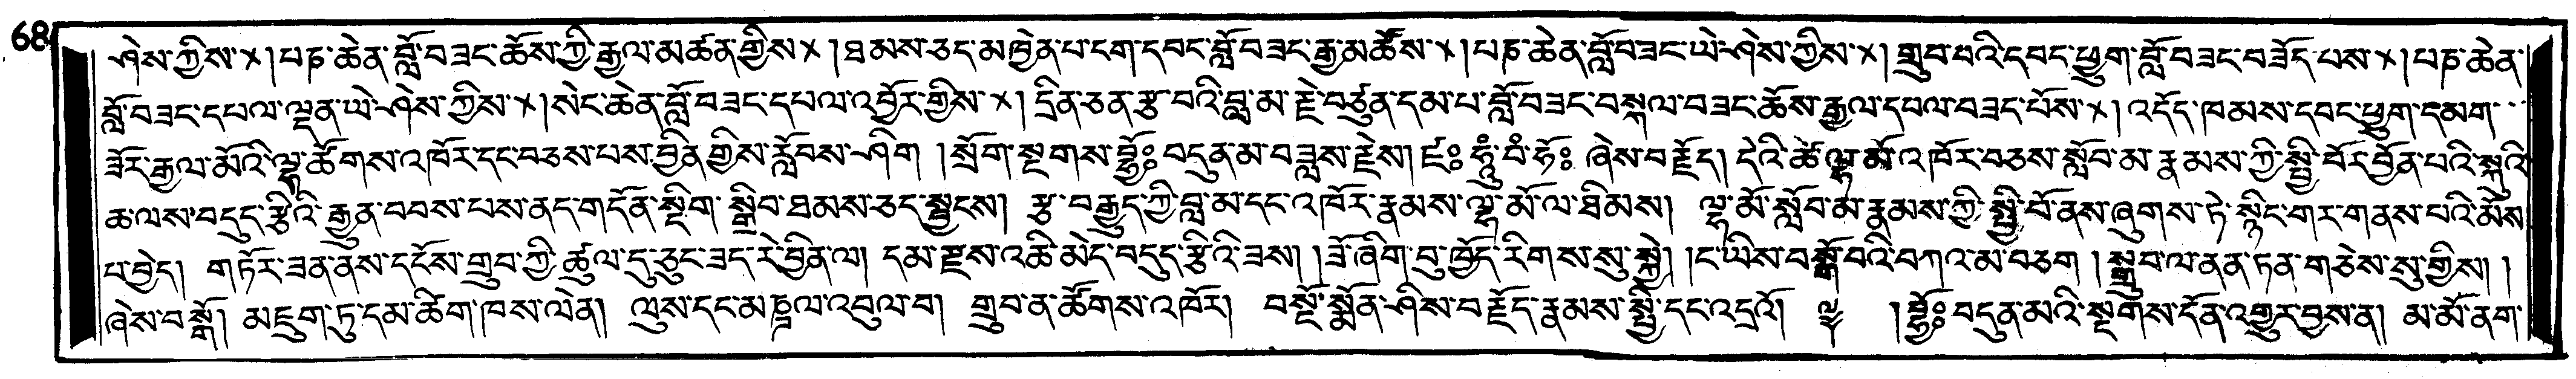ཤེས་ཀྱིས། པཎ་ཆེན་བློ་བཟང་ཆོས་ཀྱི་རྒྱལ་མཚན་གྱིས། ཐམས་ཅད་མཁྱེན་པ་ངག་དབང་བློ་བཟང་རྒྱ་མཚོས། པཎ་ཆེན་བློ་བཟང་ཡེ་ཤེས་ཀྱིས། གྲུབ་པའི་དབང་ཕྱུག་བློ་བཟང་བཟོད་པས། པཎ་ཆེན་
བློ་བཟང་དཔལ་ལྡན་ཡེ་ཤེས་ཀྱིས། སེང་ཆེན་བློ་བཟང་དཔལ་འབྱོར་གྱིས། དྲིན་ཅན་རྩ་བའི་བླ་མ་རྗེ་བཙུན་དམ་པ་བློ་བཟང་བསྐལ་བཟང་ཆོས་རྒྱལ་དཔལ་བཟང་པོས། འདོད་ཁམས་དབང་ཕྱུག་དམག་
ཟོར་རྒྱལ་མོའི་ལྷ་ཚོགས་འཁོར་དང་བཅས་པས་བྱིན་གྱིས་རློབས་ཤིག །སྲོག་སྔགས་བྷྱོཿ བདུན་མ་བཟླས་རྗེས། ཛཿ ཧཱུཾ་བཾ་ཧོཿ ཞེས་བརྗོད། དེའི་ཚེ་ལྷ་མོ་འཁོར་བཅས་སློབ་མ་རྣམས་ཀྱི་སྤྱི་བོར་བྱོན་པའི་སྐུའི་
ཆ་ལས་བདུད་རྩིའི་རྒྱུན་བབས་པས་ནད་གདོན་སྡིག་སྒྲིབ་ཐམས་ཅད་སྦྱངས། རྩ་བརྒྱུད་ཀྱི་བླ་མ་དང་འཁོར་རྣམས་ལྷ་མོ་ལ་ཐིམས། ལྷ་མོ་སློབ་མ་རྣམས་ཀྱི་སྤྱི་བོ་ནས་ཞུགས་ཏེ་སྙིང་གར་གནས་པའི་མོས་
པ་བྱེད། གཏོར་ཟན་ནས་དངོས་གྲུབ་ཀྱི་ཚུལ་དུ་ཅུང་ཟད་རེ་བྱིན་ལ། དམ་རྫས་འཆི་མེད་བདུད་རྩིའི་ཟས། །ཟོ་ཞིག་བུ་ཁྱོད་རིགས་སུ་སྐྱེ། །ང་ཡིས་བསྒོ་བའི་བཀའ་མ་བཅག །སྒྲུབ་ལ་ནན་ཏན་གཅེས་སུ་གྱིས། །
ཞེས་བསྒོ། མཇུག་ཏུ་དམ་ཚིག་ཁས་ལེན། ལུས་དང་མཎྜལ་འབུལ་བ། གྲུབ་ན་ཚོགས་འཁོར། བསྔོ་སྨོན་ཤིས་བརྗོད་རྣམས་སྤྱི་དང་འདྲའོ།